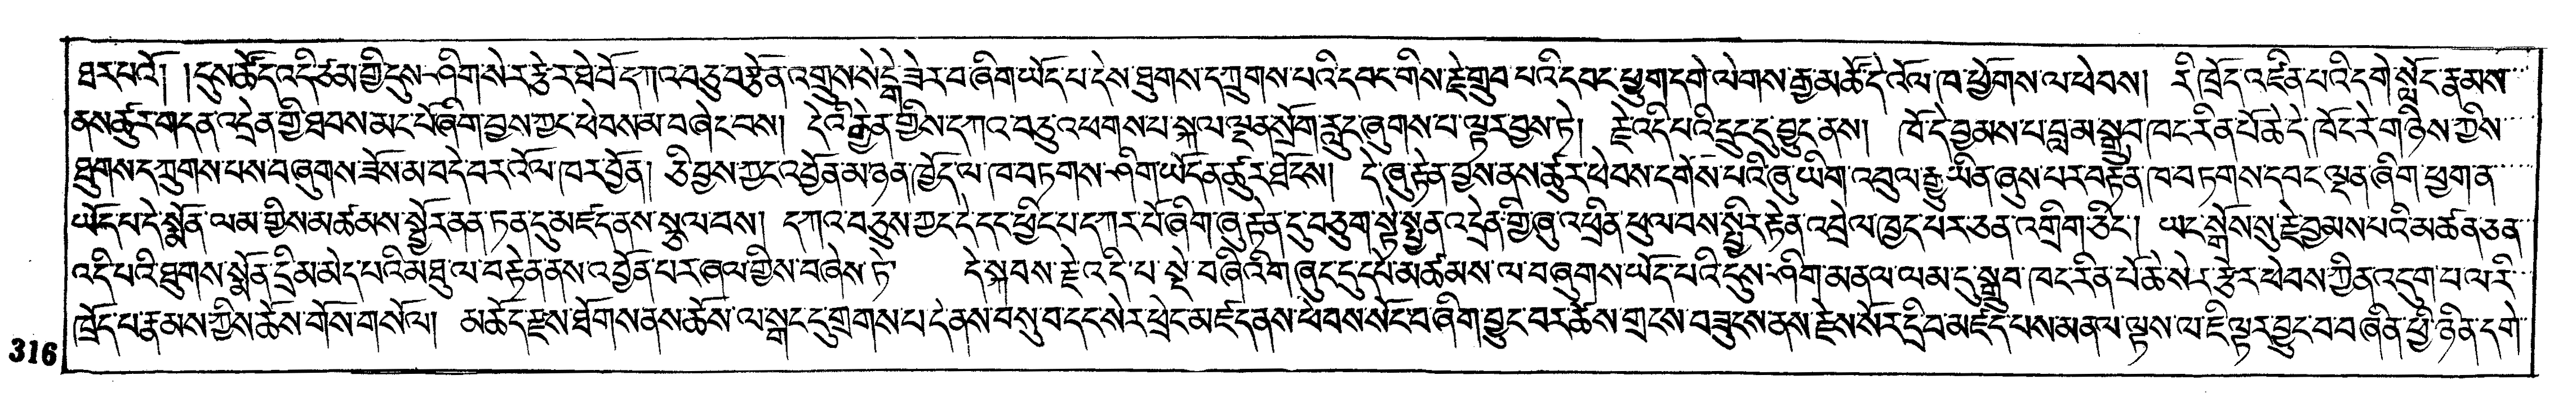ཐར་པའོ། །དུས་ཚོད་འདི་ཙམ་གྱི་དུས་ཤིག་སེ་ར་རྩེར་ཐེ་བོ་དཀའ་བཅུ་བརྩོན་འགྲུས་སེངྒེ་ཟེར་བ་ཞིག་ཡོད་པ་དེས་ཐུགས་དཀྲུགས་པའི་དབང་གིས་རྗེ་གྲུབ་པའི་དབང་ཕྱུག་དགེ་ལེགས་རྒྱ་མཚོ་དེ་འོལ་ཁ་ཕྱོགས་ལ་ཕེབས། རི་ཁྲོད་འཛིན་པའི་དགེ་སློང་རྣམས་
ནས་ཚུར་གདན་འདྲེན་གྱི་ཐབས་མང་པོ་ཞིག་བྱས་ཀྱང་ཕེབས་མ་བཞེང་པས། དེའི་རྐྱེན་གྱིས་དཀའ་བཅུ་འཕགས་པ་སྐལ་ལྡན་སྲོག་རླུང་ཞུགས་པ་ལྟར་བྱས་ཏེ། རྗེ་འདི་པའི་དྲུང་དུ་བྱུང་ནས། ཁོ་དེ་བྱམས་པ་བླ་མ་སྒྲུབ་ཁང་རིན་པོ་ཆེ་དེ་ཁོང་རེ་གཉིས་ཀྱིས་
ཐུགས་དཀྲུགས་པས་བཞུགས་ཟོས་མ་བདེ་བར་འོལ་ཁར་བྱོན། ཅི་བྱས་ཀྱང་འབྱོན་མཉན་ཁྱོད་ལ་ཁ་བཏགས་ཤིག་ཡོད་ན་ཚུར་ཐོངས། དེ་ཞུ་རྟེན་བྱས་ནས་ཚུར་ཕེབས་དགོས་པའི་ཞུ་ཡིག་འབུལ་རྒྱུ་ཡིན་ཞུས་པར་བརྟེན་ཁ་བཏགས་དབང་ལྡན་ཞིག་ཕྱག་ན་
ཡོད་པ་དེ་སྨོན་ལམ་གྱིས་མཚམས་སྦྱོར་ནན་ཏན་དུ་མཛད་ནས་སྩལ་བས། དཀའ་བཅུས་ཀྱང་དེ་དང་ཕྱིང་པ་དཀར་པོ་ཞིག་ཞུ་རྟེན་དུ་བཅུག་སྟེ་སྤྱན་འདྲེན་གྱི་ཞུ་འཕྲིན་ཕུལ་བས་སྦྱིར་རྟེན་འབྲེལ་ཁྱད་པར་ཅན་འགྲིག་ཅིང་། ཡང་སྒོས་སུ་རྗེ་བྱམས་པའི་མཚན་ཅན་
འདི་བའི་ཐུགས་སྨོན་དྲི་མ་མེད་པའི་མཐུ་ལ་བརྟེན་ནས་འབྱོན་པར་ཞལ་གྱིས་བཞེས་ཏེ། དེ་སྐབས་རྗེ་འདི་པ་སྡེ་བཞིའི་གཞུང་དུ་དེབ་མཚམས་ལ་བཞུགས་ཡོད་པའི་དུས་ཤིག་མནལ་ལམ་དུ་སྒྲུབ་ཁང་རིན་པོ་ཆེ་སེར་རྩེར་ཕེབས་ཀྱིན་འདུག་པ་ལ་རི་
ཁྲོད་པ་རྣམས་ཀྱིས་ཆོས་གོས་གསོལ། མཆོད་རྫས་ཐོགས་ནས་ཆོས་ལ་སྒང་དུ་གྲགས་པ་དེ་ནས་བསུ་བ་དང་སེར་ཕྲེང་མཛད་ནས་ཕེབས་སོང་བ་ཞིག་བྱུང་བར་ཚེས་གྲངས་བཟུངས་ནས་རྗེས་སོར་དྲི་བ་མཛད་པས་མནལ་ལྟས་ལ་ཇི་ལྟར་བྱུང་བ་བཞིན་ཕྱི་ཉིན་དགེ་